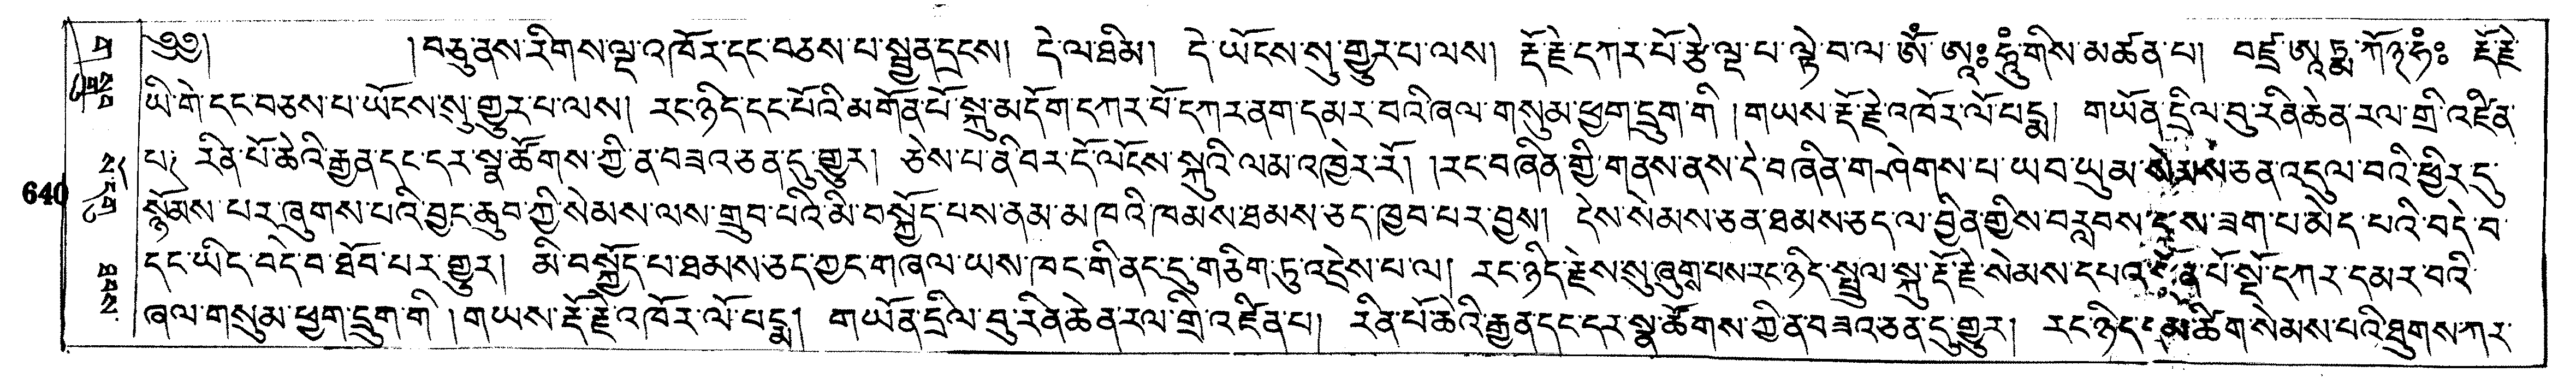བཅུ་ནས་རིགས་ལྔ་འཁོར་དང་བཅས་པ་སྤྱན་དྲངས། དེ་ལ་ཐིམ། དེ་ཡོངས་སུ་གྱུར་པ་ལས། རྡོ་རྗེ་དཀར་པོ་རྩེ་ལྔ་པ་ལྟེ་བ་ལ་ཨོཾ་ཨཱཿ ཧཱུཾ་གིས་མཚན་པ། བཛྲ་ཨཱཏྨ་ཀོཉ་ཧཾཿ རྡོ་རྗེ་
ཡི་གེ་དང་བཅས་པ་ཡོངས་སུ་གྱུར་པ་ལས། རང་ཉིད་དང་པོའི་མགོན་པོ་སྐུ་མདོག་དཀར་པོ་དཀར་ནག་དམར་བའི་ཞལ་གསུམ་ཕྱག་དྲུག་གི །གཡས་རྡོ་རྗེ་འཁོར་ལོ་པདམ། གཡོན་དྲིལ་བུ་རིན་ཆེན་རལ་གྲི་འཛིན་
པ༑ རིན་པོ་ཆེའི་རྒྱན་དང་དར་སྣ་ཚོགས་ཀྱི་ན་བཟའ་ཅན་དུ་གྱུར། ཅེས་པ་ནི་བར་དོ་ལོངས་སྐུའི་ལམ་འཁྱེར་རོ། །རང་བཞིན་གྱི་གནས་ནས་དེ་བཞིན་གཤེགས་པ་ཡབ་ཡུམ་སེམས་ཅན་འདུལ་བའི་ཕྱིར་དུ་
སྙོམས་པར་ཞུགས་པའི་བྱང་ཆུབ་ཀྱི་སེམས་ལས་གྲུབ་པའི་མི་བསྐྱོད་པས་ནམ་མཁའི་ཁམས་ཐམས་ཅད་ཁྱབ་པར་བྱས། དེས་སེམས་ཅན་ཐམས་ཅད་ལ་བྱིན་གྱིས་བརླབས་པས་ཟག་པ་མེད་པའི་བདེ་བ་
དང་ཡིད་བདེ་བ་ཐོབ་པར་གྱུར། མི་བསྐྱོད་པ་ཐམས་ཅད་ཀྱང་གཞལ་ཡས་ཁང་གི་ནང་དུ་གཅིག་ཏུ་འདྲེས་པ་ལ། རང་ཉིད་རྗེས་སུ་ཞུགས་པས་རང་ཉིད་སྤྲུལ་སྐུ་རྡོ་རྗེ་སེམས་དཔའ་སྔོན་པོ་སྔོ་དཀར་དམར་བའི་
ཞལ་གསུམ་ཕྱག་དྲུག་གི །གཡས་རྡོ་རྗེ་འཁོར་ལོ་པདམ། གཡོན་དྲིལ་བུ་རིན་ཆེན་རལ་གྲི་འཛིན་པ། རིན་པོ་ཆེའི་རྒྱན་དང་དར་སྣ་ཚོགས་ཀྱི་ན་བཟའ་ཅན་དུ་གྱུར། རང་ཉིད་དམ་ཚིག་སེམས་པའི་ཐུགས་ཀར་